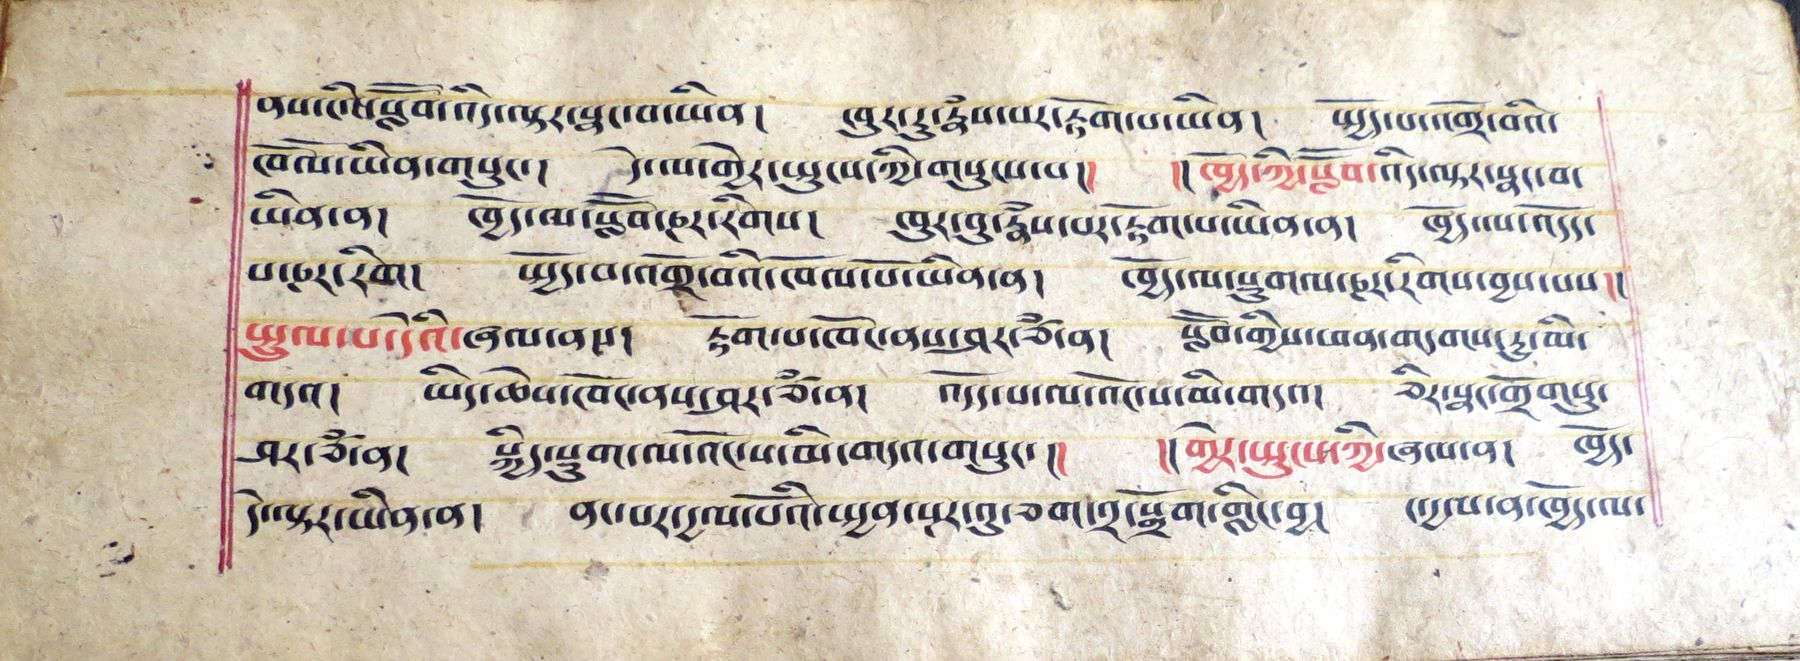ནས་ང་ཡི་སློབ་དཔོན་འདི་ལྟར་སྣང་བ་ཡིན། ཁུར་རུ་རྣམ་པར་རྟོག་པ་ཡིན། སྤྱོད་པ་འགྲོ་བའི་
ཁོལ་པོ་ཡིན་གསུངས། དེ་ལ་གྱེར་སྤུངས་ཀྱིས་གསུངས་པ། ཁྱོད་ཀྱི་སློབ་དཔོན་འདི་ལྟར་སྣང་བ་
ཡིན་ན། ཁྱོད་ལ་སློབ་དཔོན་མེད་པར་རིགས། ཁུར་རུ་རྣམ་པར་རྟོག་པ་ཡིན་ན། ཁྱོད་ལ་འདོད་
པ་མེད་པར་རིགས། སྤྱོད་པ་འགྲོ་བའི་ཁོལ་པོ་ཡིན་ན། ཁྱོད་ལ་སྡུག་བསྔལ་མེད་པར་རིགས་བྱས་པས། 
སྤྲུལ་པ་དེའི་ཞལ་ནས། རྟོགས་པ་ཁོངས་ནས་ཤར་ཙམ་ན། སློབ་དཔོན་གྱིས་ཕན་གདགས་རྒྱུ་མི་
གདའ། ཡིད་ཆེས་རང་ལ་རྙེད་ཙམ་ན། འདོད་པ་ལ་འོང་ས་མི་གདའ། ཅིར་སྣང་གྲོགས་སུ་
ཤར་ཙམ་ན། སྐྱིད་སྡུག་ལ་འོང་ས་མི་གདའ་གསུངས། གྱེར་སྤུངས་ཀྱི་ཞལ་ནས། ཁྱོད་
དེ་ལྟར་ཡིན་ན། ནངས་པར་རྒྱལ་པོའི་སྤྱན་སྔར། འུ་ཅག་གཉིས་སྒྲོག་གླེང་བྱ། ང་རྒྱལ་ན་ཁྱོད་ལ་